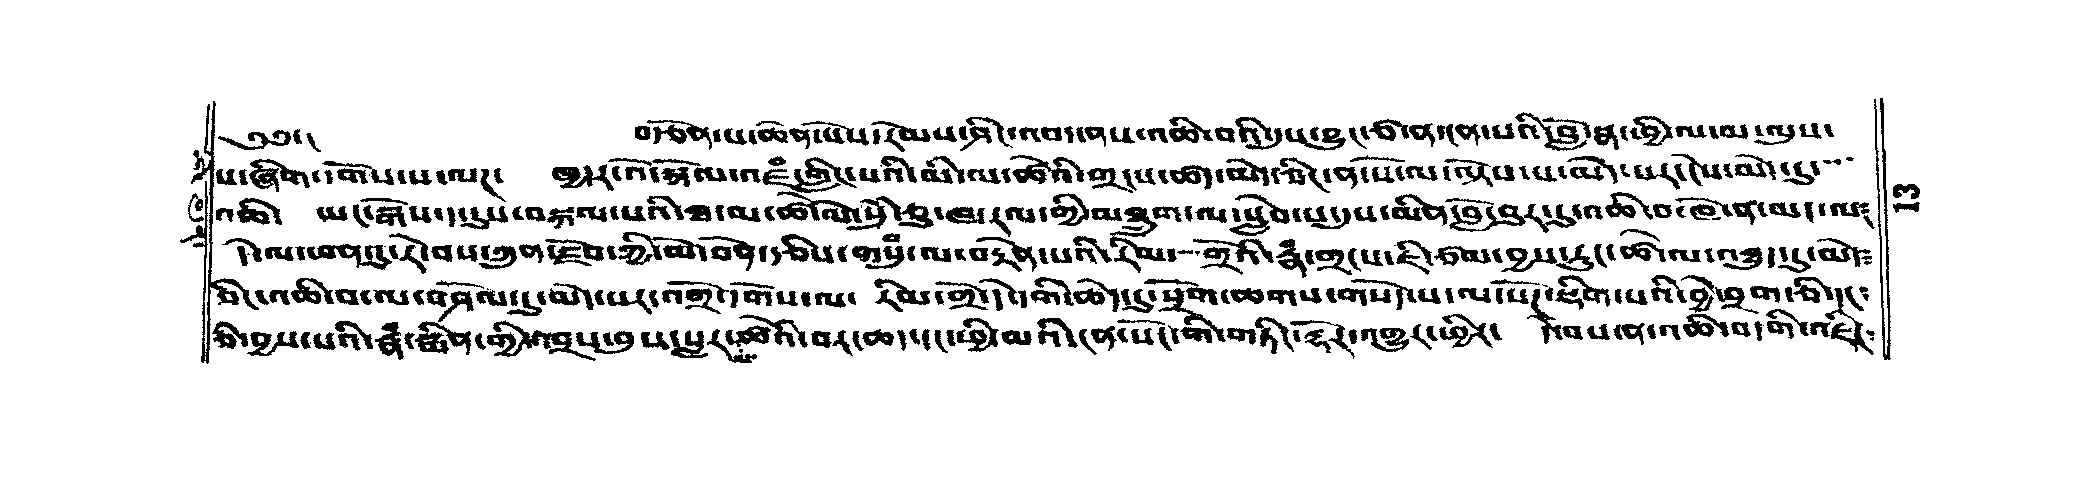བརྩོན་པ་ཆེན་པོས་རེམས་ཤིང་འབད་ནས་འཆི་བའི་དུས་བྱུང་ཙ་ན་ངན་པའི་བློ་སྣ་ཕྱི་ལ་མ་ལུས་
པ་ཞིག་དགོས་པ་ལགས། ཁྱད་པར་འོ་སྐོལ་འཛམ་གླིང་པའི་མི་ལ་ཚེའི་གྲངས་ཚད་མེད་ཅིང་ན་སོ་ལ་ལྟོས་པ་མེད་པར་ངེས་མེད་དུ་
འཆི། ཡང་སྒོས་དང་དུས་བསྐལ་པའི་ཐ་མ་ཚེ་མེ་སུམ་ཅུ་ཁ་རལ་གྱི་མཐར་ཐུག་ལ་སླེབ་པ་དུས་མིན་བློ་བུར་དུ་འཆི་བ་ཁོ་ན་མང་ལ། 
དེ་ལ་ཕན་རུ་རེ་བས་ཀུན་རྫོབ་ཀྱི་བོན་རྩིས་གསུམ་ལ་བརྟེན་པའི་རིམ་གྲོའི་རྣམ་གྲངས་ཇི་ཙམ་བྱས་རུང་ཚེ་ལ་འཐུད་དུ་མེད་
ཅིང་འཆི་བ་ལ་བཤོལ་དུ་མེད་པར་འགྲོ་དགོས་ལ། རིམ་གྲོ་དེ་དག་གི་ཆེད་དུ་སྲོག་ཆགས་གསོད་པ་ལ་སོགས་སྡིག་པའི་བྱེ་བྲག་ཅི་དང་
ཅི་བྱས་པའི་རྣམ་སྨིན་གྱི་འབྲས་བུས་སླར་ལ་ཚེའི་བར་ཆད་དང་ཕྱི་མའི་ངན་སོང་གི་གཏིང་རྡོར་འགྱུར་ཕྱིར།དེ་བས་ན་འཆི་བདག་གི་འཇིགས་